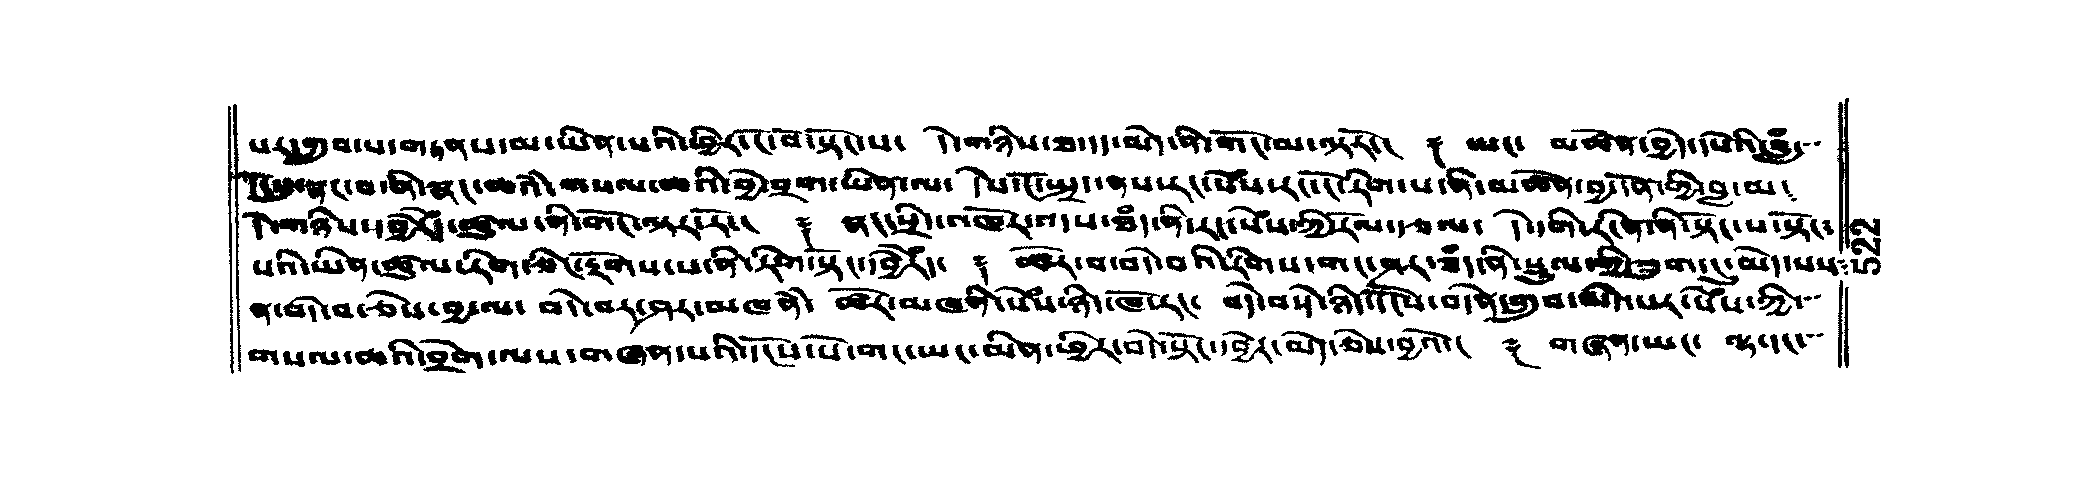པར་གྲུབ་པ་གཏན་ནས་མ་ཡིན་པའི་ཕྱིར་ངོ་བོ་སྟོང་པ། དེ་གཉིས་ཐ་དད་མེད་པ་ནི་གོང་མ་ལྟར་རོ། ༈ ཡང་། མཚོན་བྱེད་དཔེའི་བླ་མ་
དངོས་སུ་སྣང་བ་ནི་སྣང་ཆའམ་གསལ་ཆའི་བྱེ་བྲག་ཡིན་ལ། དེས་ངོ་སྤྲད་ནས་རང་སེམས་རང་ངོ་རིག་པ་ནི་མཚོན་བྱ་དོན་གྱི་བླ་མ་
དེ་གཉིས་དབྱེར་མེད་ཚུལ་ནི་གོང་ལྟར་རོ། ༈ སྣང་སྲིད་འཁོར་འདས་ཐམས་ཅད་ནི་རང་སེམས་ཀྱི་རོལ་རྩལ། དེ་དག་གི་རང་བཞིན་ནི་སྟོང་པ་སྟོང་
པའི་ཡིན་ཚུལ་རིག་ཅིང་རྟོགས་པ་ནི་རིག་སྟོང་དབྱེར་མེད། ༈ ཚོར་བ་བདེ་བའི་རིགས་གང་ཤར་ཐམས་ཅད་ནི་སྡུག་བསྔལ་གྱི་ཟུག་ངུ་མེད་པས་
ན་བདེ་བ་ཞེས་བྱ་ལ་ བདེ་བར་ཤར་མཁན་ནམ། ཚོར་མཁན་ནི་སེམས་ཉིད་ཁོ་རང་། བདེ་བ་དེ་ཉིད་དངོས་པོ་བདེན་གྲུབ་མེད་པར་སེམས་ཀྱི་
གསལ་ཆའི་བྱེ་བྲག་ལས་གཞན་པའི་དངོས་པོ་གང་ཡང་མིན་ཕྱིར་བདེ་སྟོང་དབྱེར་མེད་ཅེས་བྱའོ། ༈ གཞན་ཡང་། ལྷ་དང་